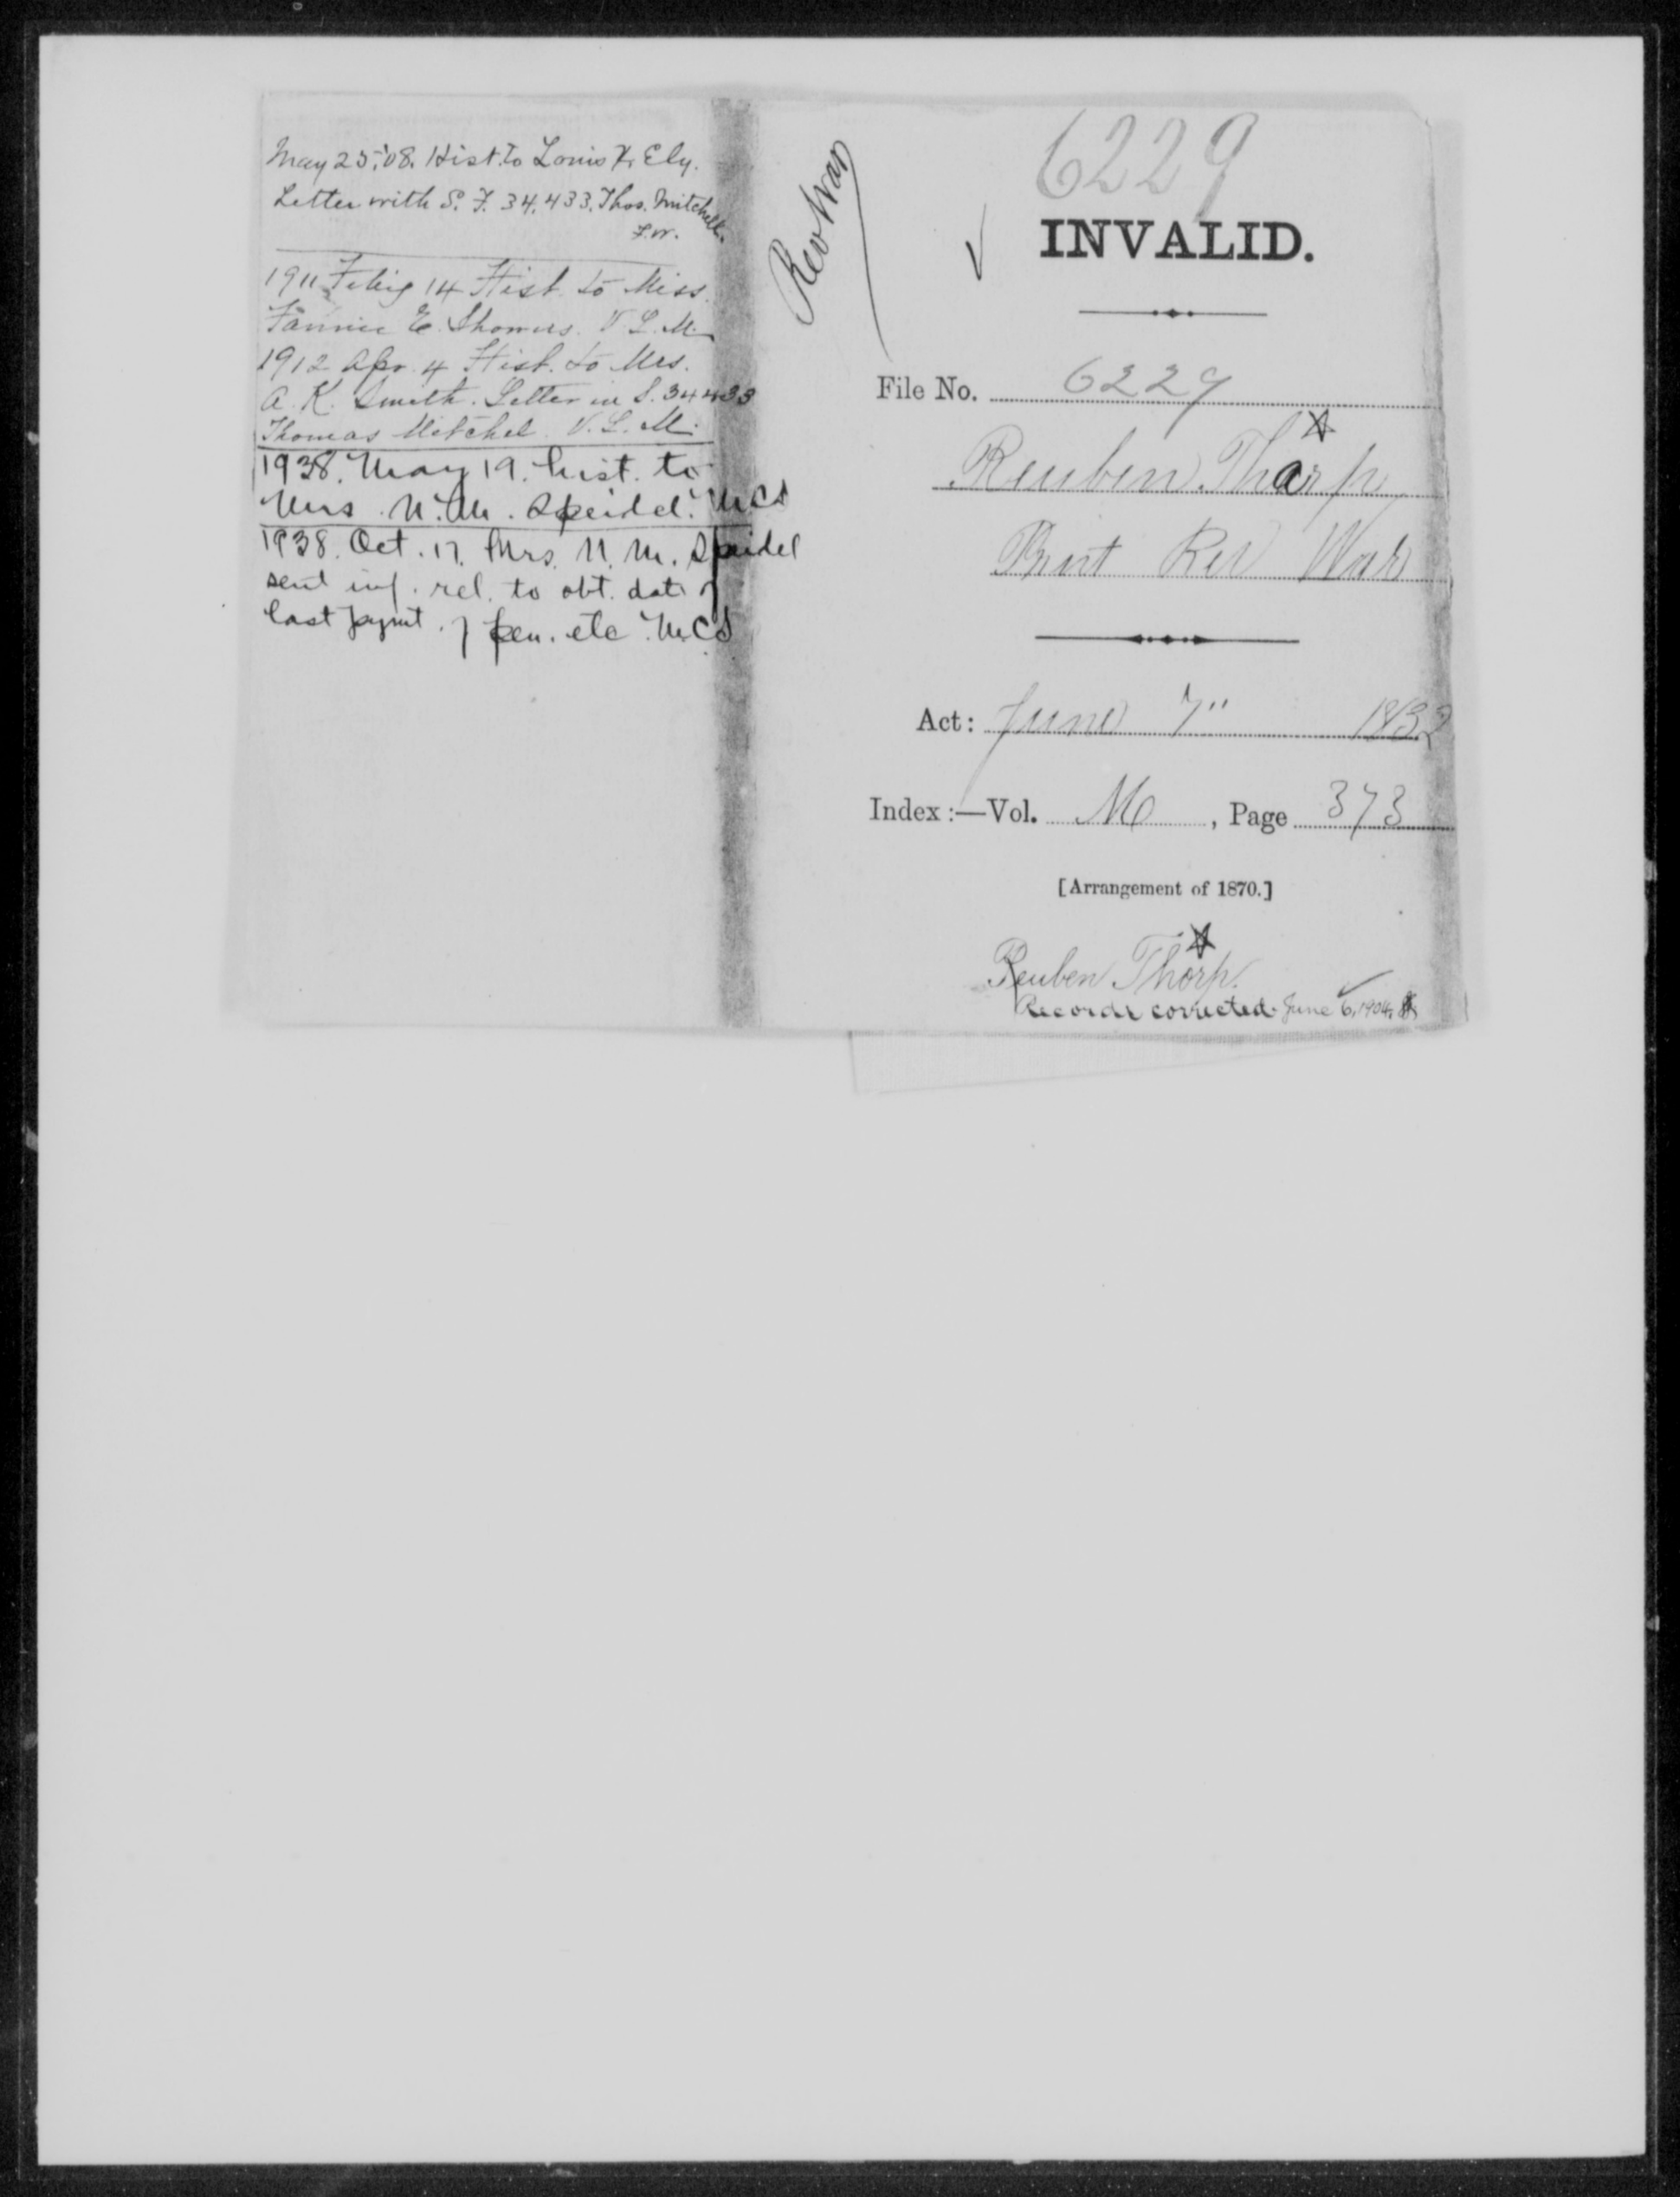[left side:]
May 25 '08. Hist to Louis K. Ely.
Letter with S. F. 34.433, Thos. Mitchell
F.W.
--------------------------
1911 Feby 14 Hist to Miss
Fannie E Showers V.L.M.
1912 Apr 4 Hist. to Mrs.
A. K. Smith. Letter in S.34433
Thomas Mitchel V. L.M.
--------------------------
1938, May 19, hist to
Mrs. N. M. Speidel.  MCS
--------------------------
1838 Oct. Mrs. N.M. Speidel
sent inf. rel. to obt. date
last paymt. I pen. etc. MCS

[right side:]
Rev War.  6229  
INVALID.
-------------------
File No. __6229_____
__Reuben Thorp_____
___Privt Rev War_____
-------------------
Act: ___June 7" 1832______
Index: -- Vol.___M____, Page___ 373____

[Arrangement of 1870.]

[below is hand-written:]
Reuben Thorp
Records corrected June 6, 1904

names: Reuben Tharp; N M Speidel; Thos Mitchell; Thomas Mitchel; Louis F Ely; A K Smith; Reuben Thorp; Fannie E Showers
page: 12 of 28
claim: survivor's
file: S. 6229, for Reuben Thorp, New Jersey